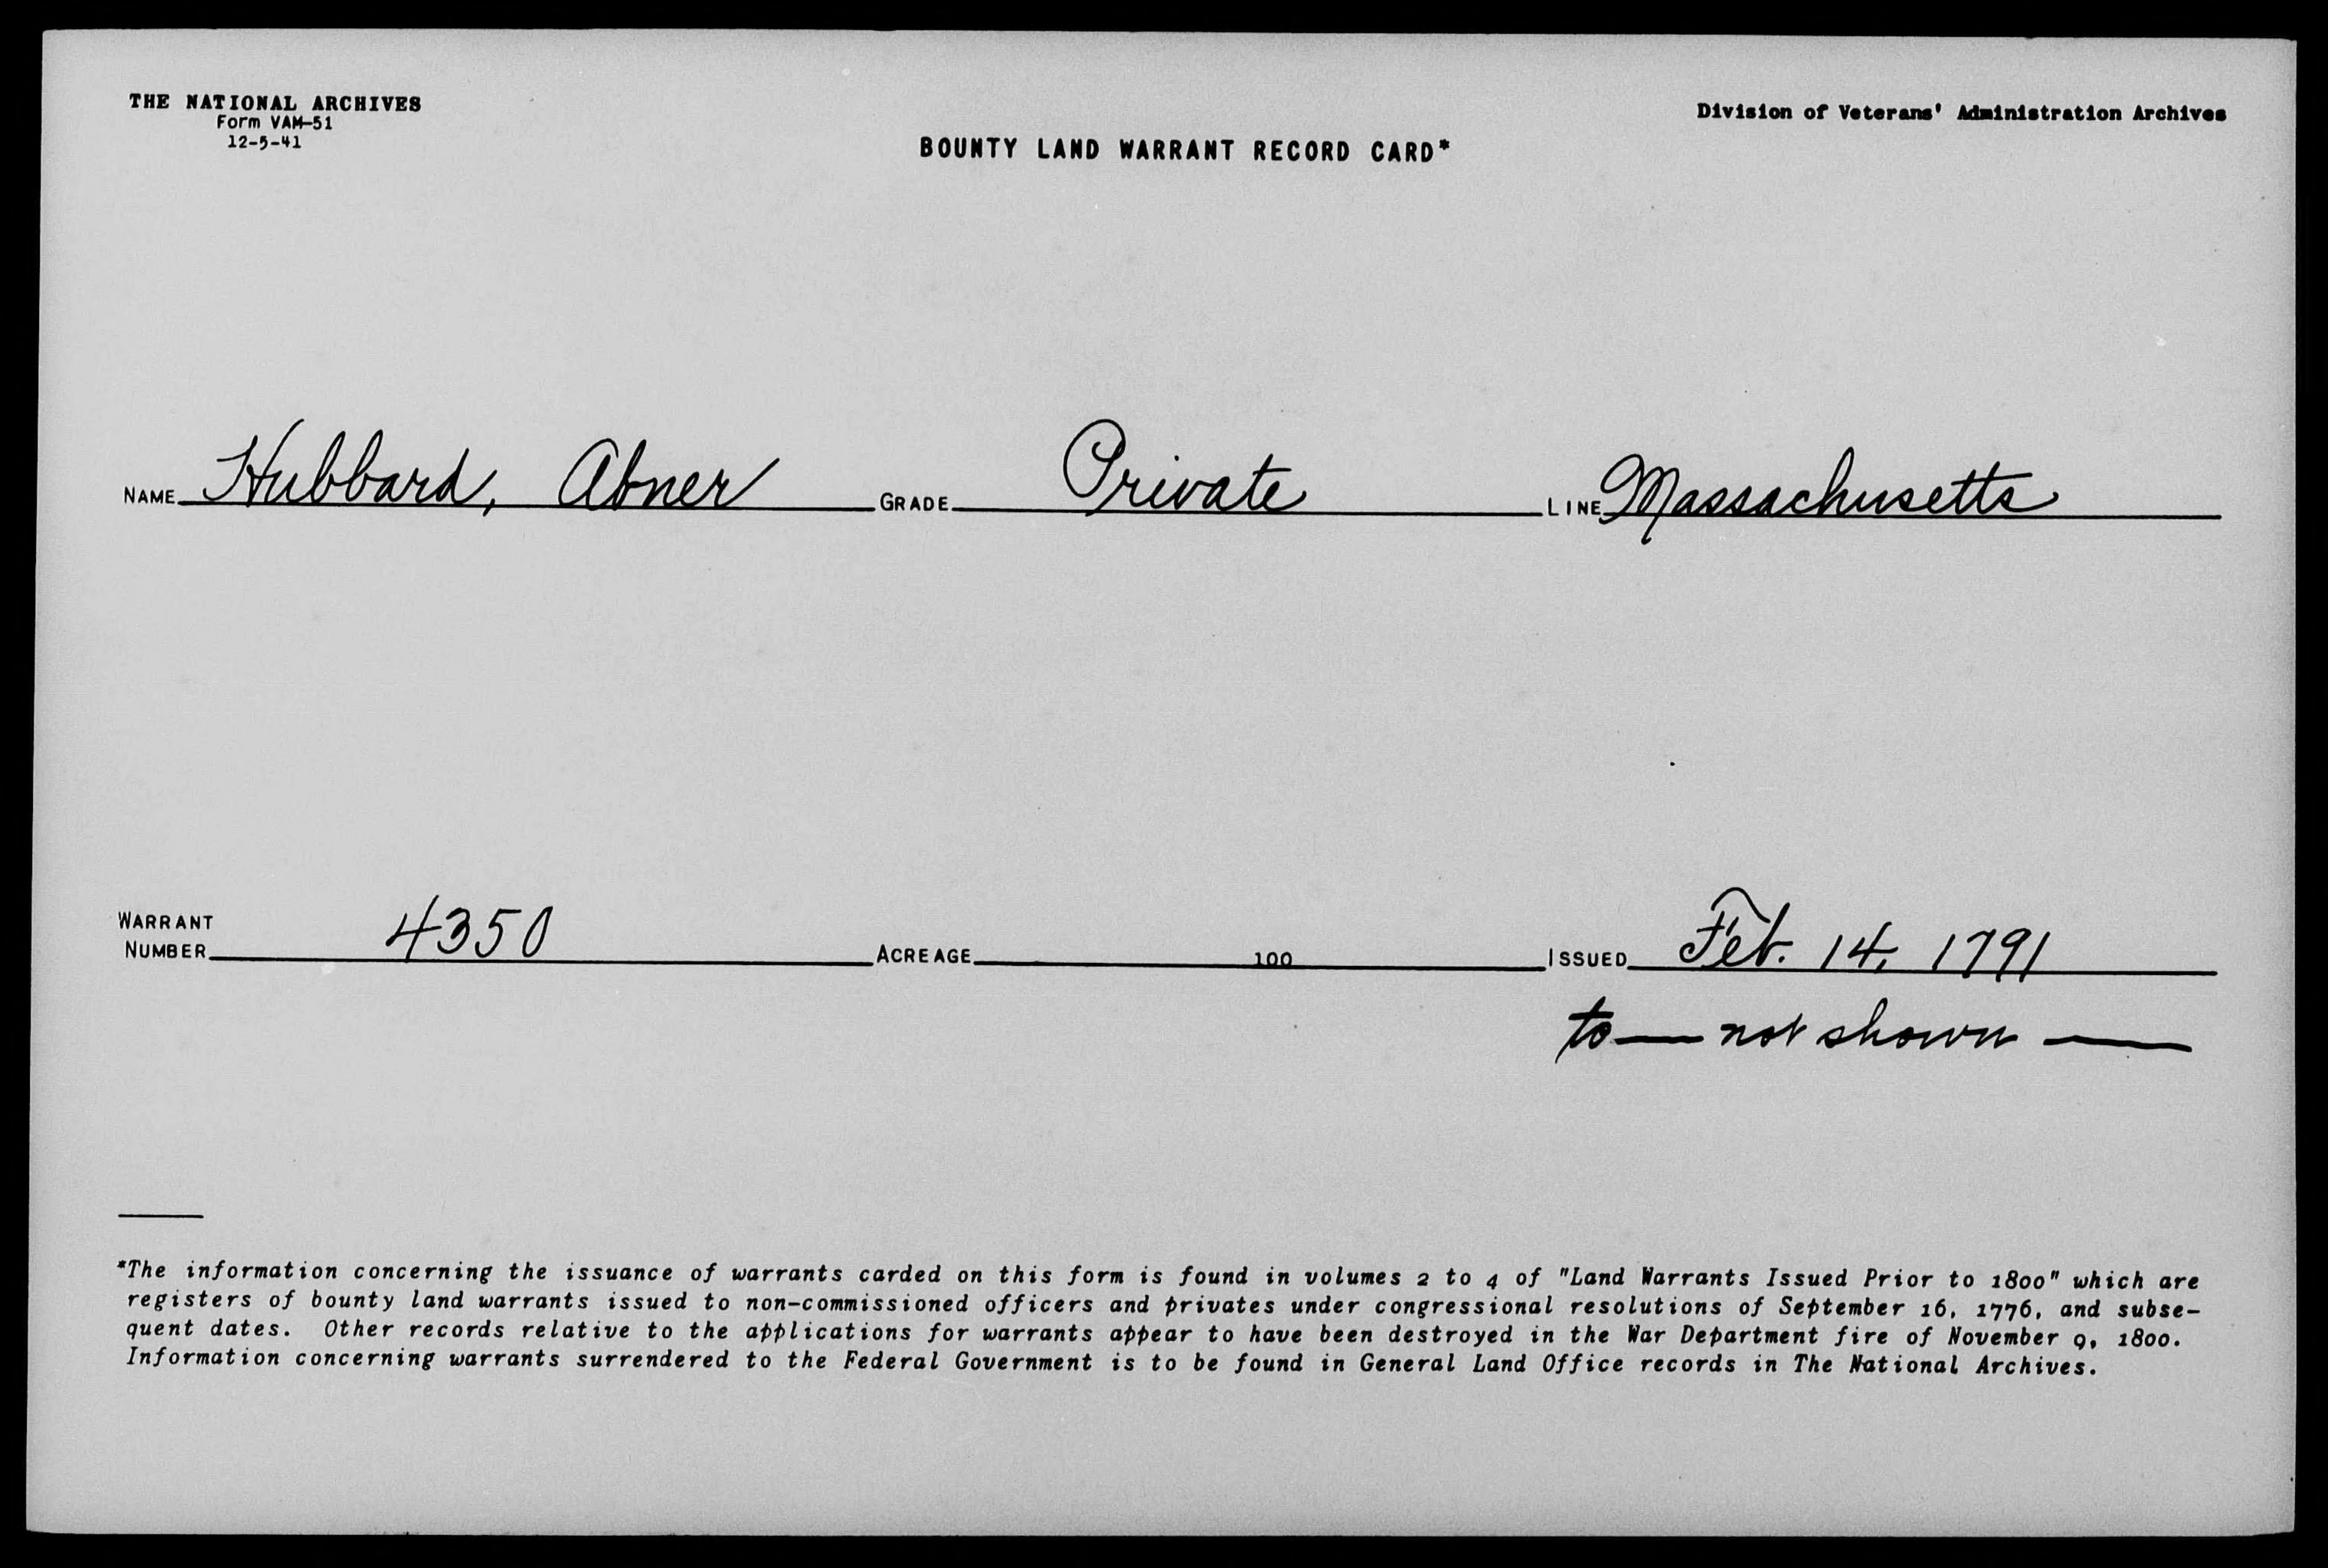The National Archives
Form VAM-51
12-5-41

Bounty Land Warrant Record Card*

Division of Veterans' Administration Archives

Name: [Handwritten] Hubbard, Abner
Grade: [Handwritten] Private
Line: Massachusetts

Warrant Number: [Handwritten] 4350
Acreage: [Handwritten] 100
Issued: [Handwritten] Feb. 14, 1791

[Handwritten] to_____not shown____

*The information concerning the issuance of warrants carded on this form is found in volumes 2 to 4 of "Land Warrants Issued Prior to 1800" which are registers of bounty land warrants issued to non-commissioned officers and privates under congressional resolutions of September 16, 1776, and subsequent dates.  Other records relative to the applications for warrants appear to have been destroyed in the War Department fire of November 9, 1800.  Information concerning warrants surrendered to the Federal Government is to be found in General Land Office records in the The National Archives.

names: Abner Hubbard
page: 38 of 38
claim: widow's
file: W. 23,381, Abner Hubbard, Continental Mass.